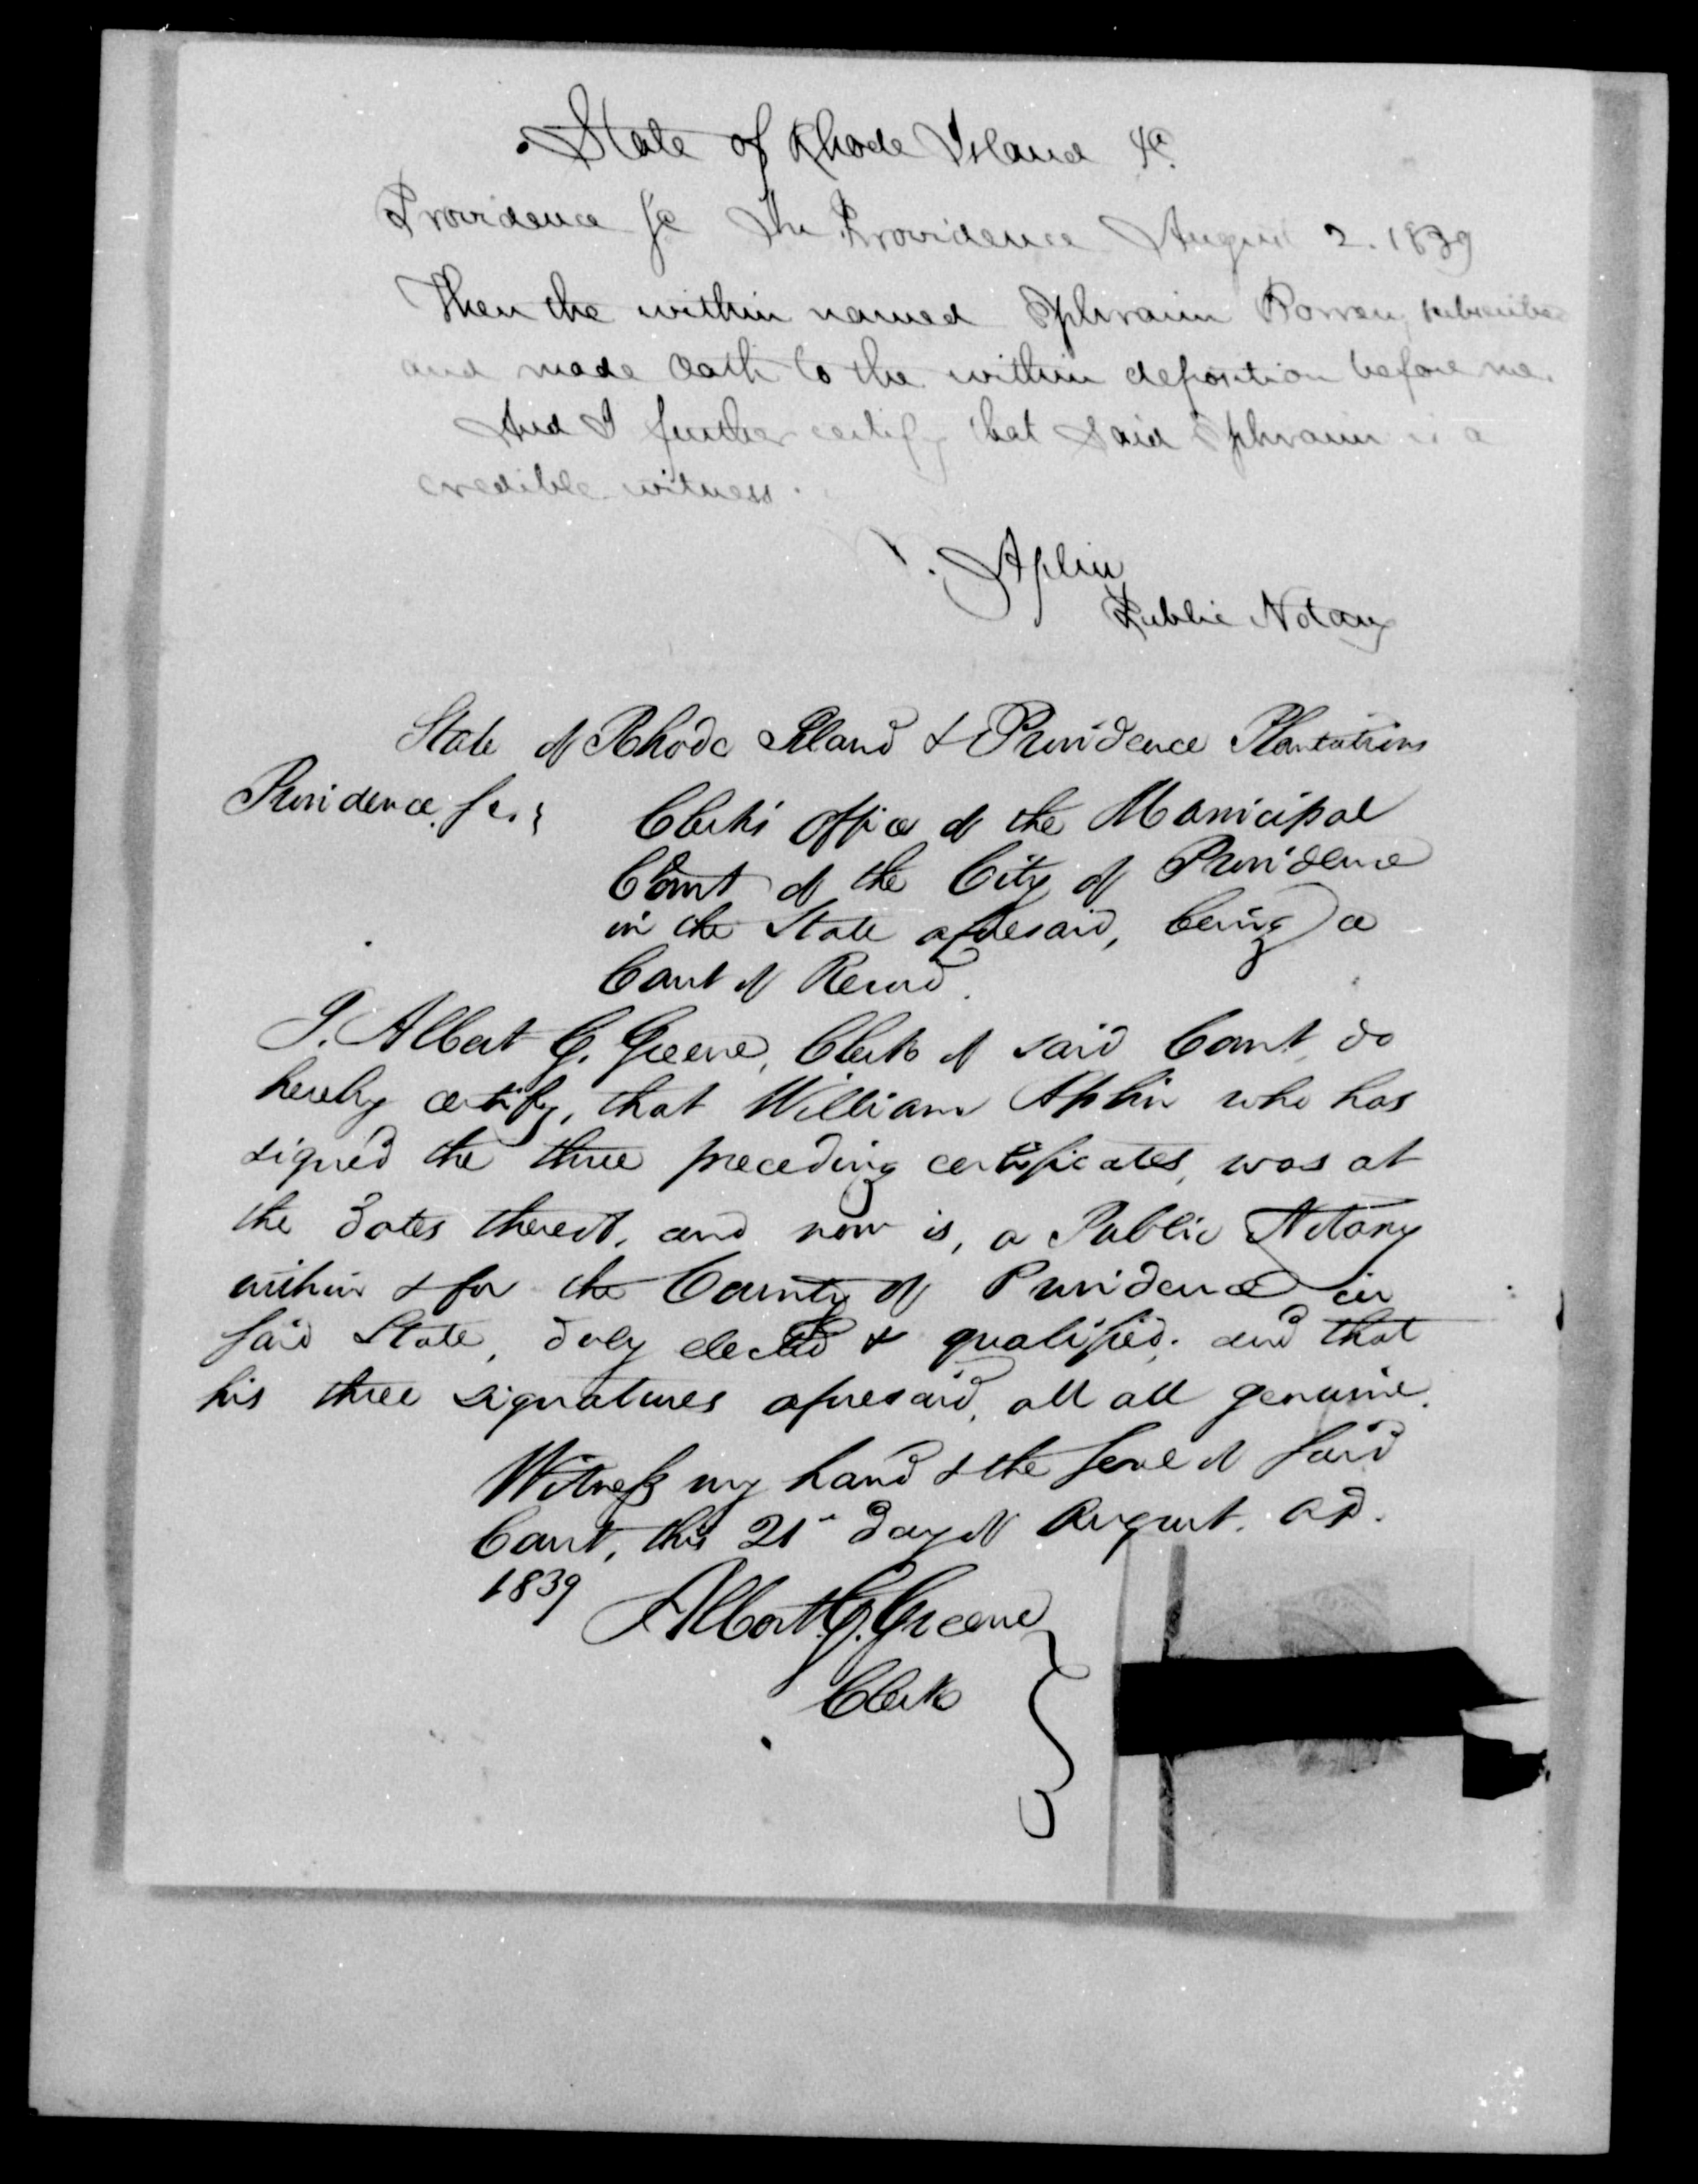State of Rhode Island &c.
Providence Jc The Providence August 2. 1839
then the within named Ephraim Romery subscribed and made oath to the within deposition before me.
and I further Certify that said Ephraim is a credible witness. W. Aplin
Public Notary

State of Rhode Island & Providence Plantations
Providence Jc
Clerks Office of the Municipal
Court of the City of Providence
in the State of aforesaid, being a
Court of Record
I, Albert G. Greene, Clerk of said Court do hereby 
certify, that William Aplin who has signed
the three preceding certificates, was at
the Zates thereof, and now is, a Public Notary
within & for the County of Providence in
State, duly elected & qualified, and that
his three signatures aforesaid, all all genuine
Witness my hand & the seal of said
Court, this 21st day of August AD
1839
Albert G. Greene
Clerk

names: Albert G Greene; Albert G Greene; Ephraim [BLANK]; William Aplin; Ephraim Bowen; W Aplin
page: 35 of 50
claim: widow's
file: W. 22058, for Benjamin Rhodes, Rhode Island